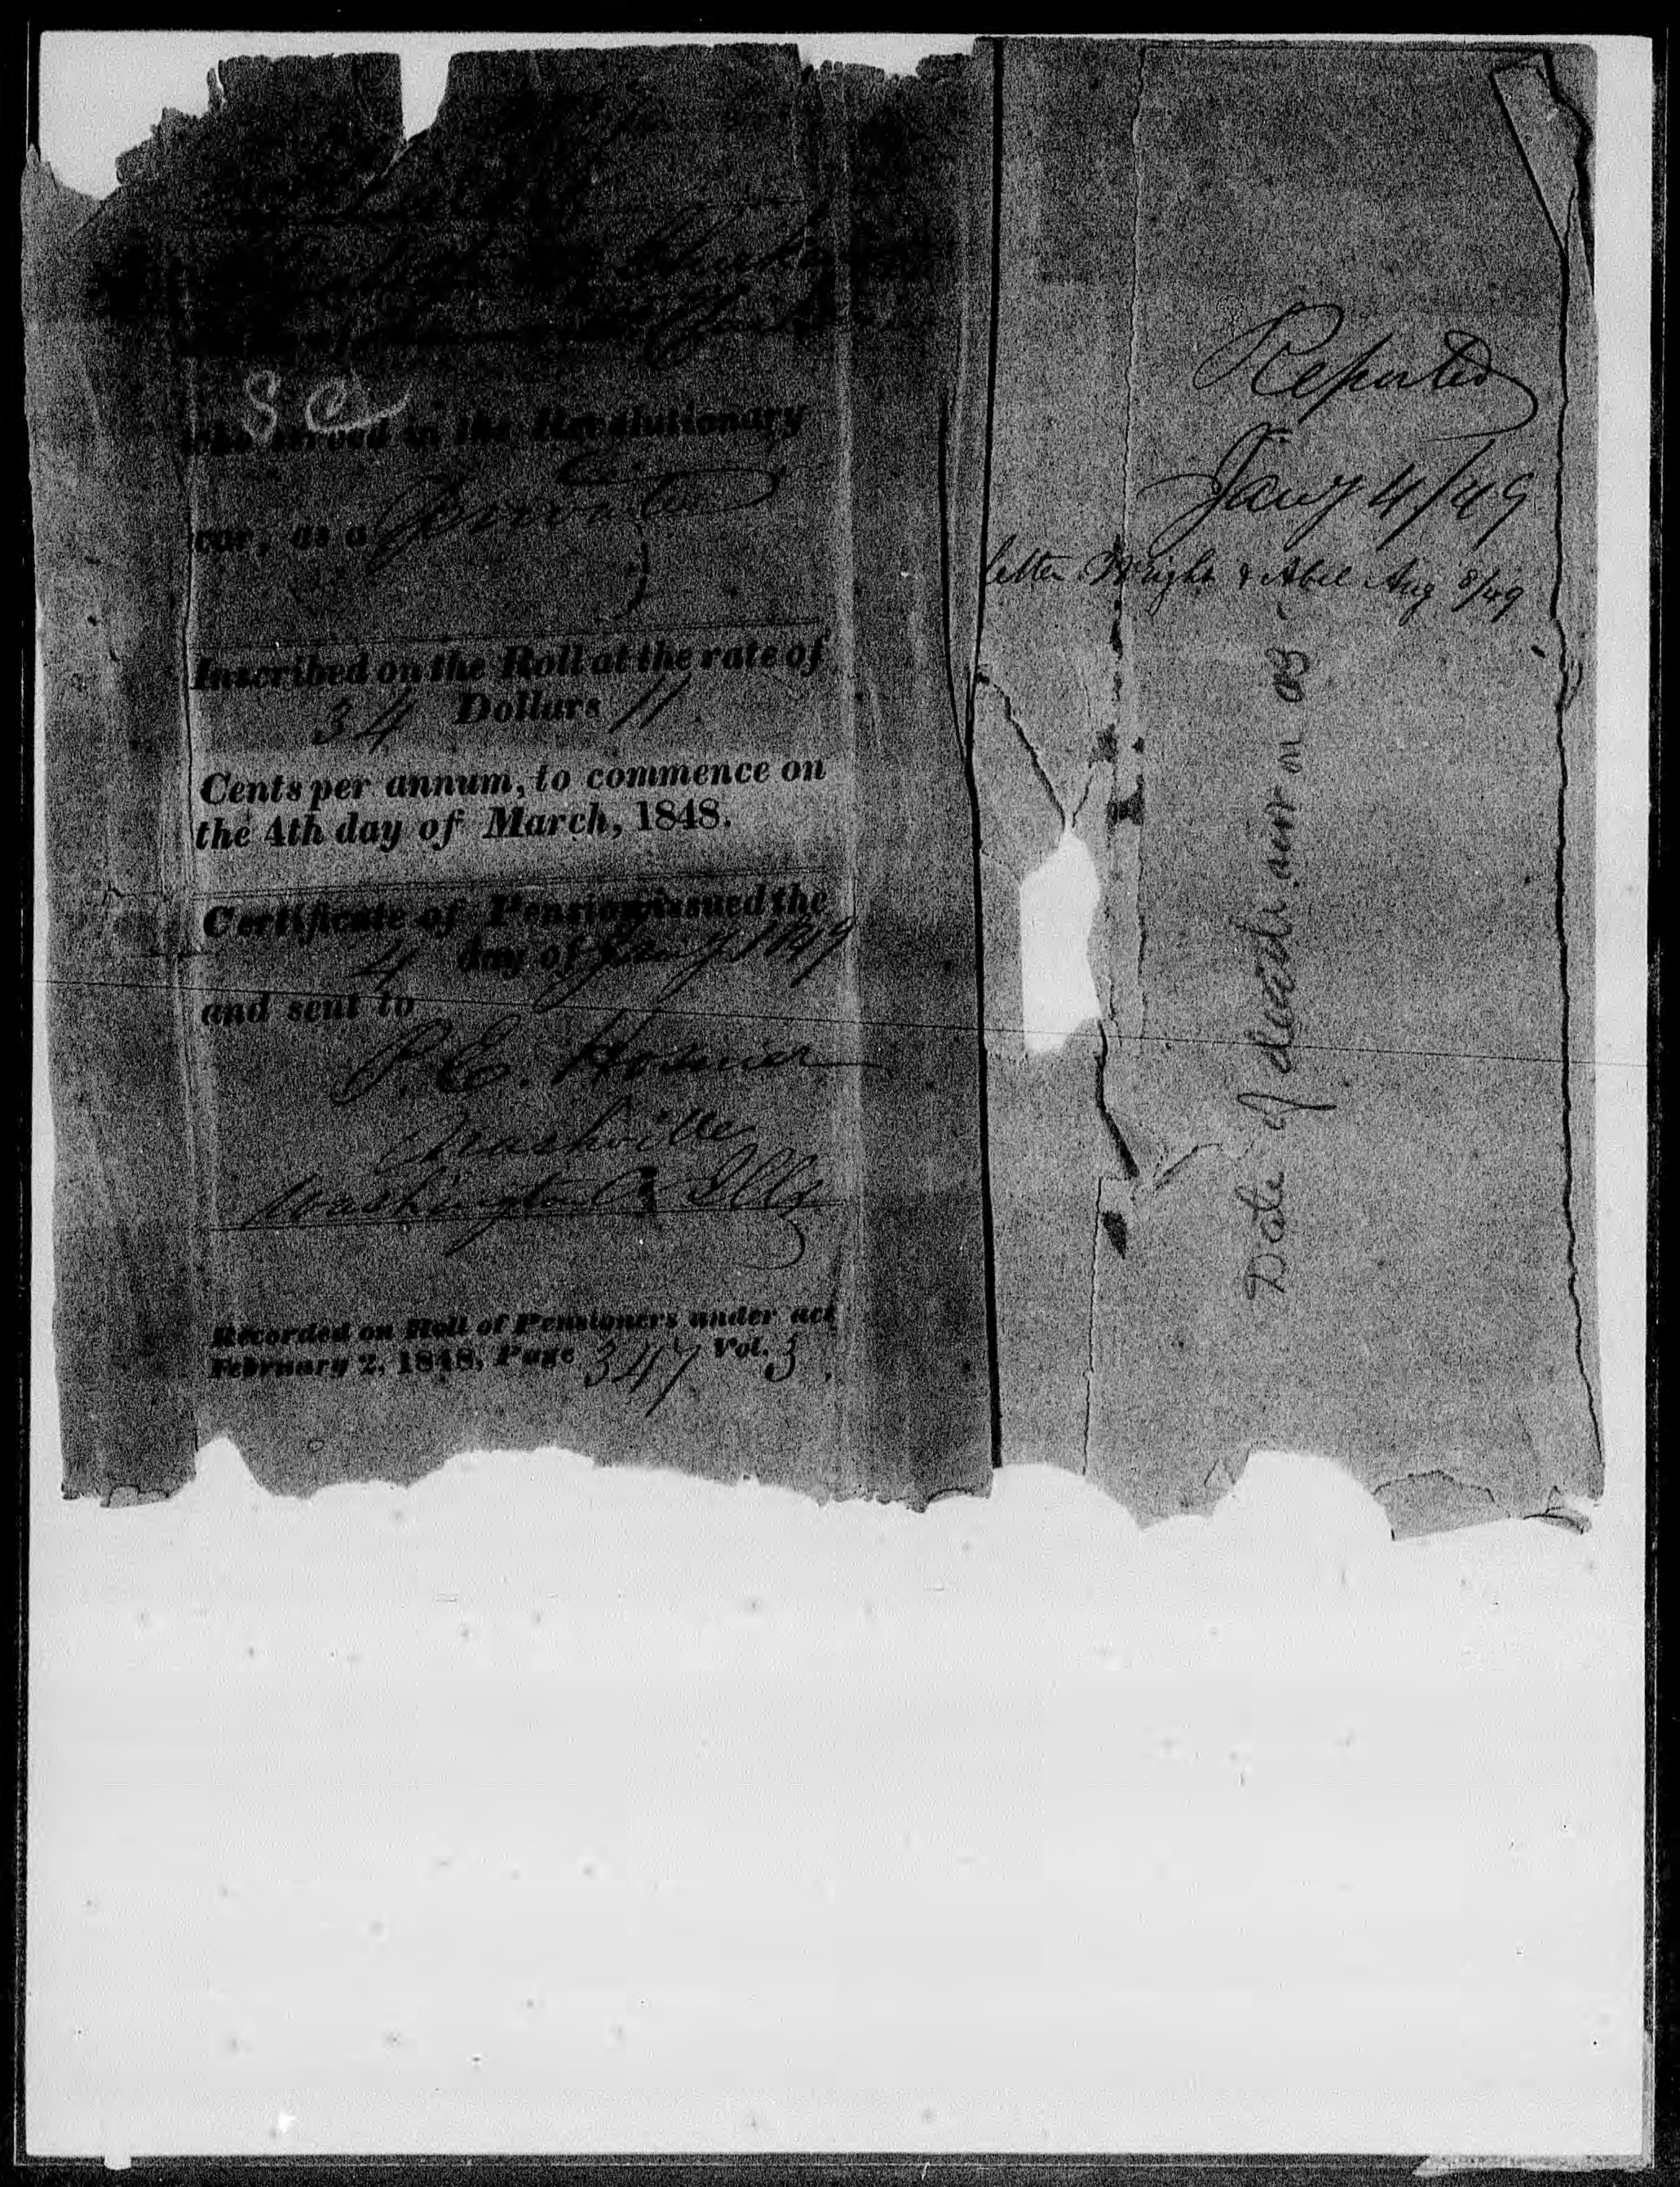SC
[unintelligible] Revolutionary
war as a Private

Inscribed on the Roll at the rate of 34 Dollars//
Centers per annum, to commence on the 4th day of March, 1848.

Certificate of Pension is issued the
4 day of Jany [unintelligible-1149]
and sent to 
P.E. Hosier [unintelligible]
Nashville
Washington Ill.

Recorded on Roll of Pensioners under act
February 2, 1948, Page 347 Vol. 3

Reputed 
Jany 4/49
letter [unintelligible] & Abel Aug 8/49

Date of death is on 03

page: 3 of 93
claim: widow's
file: W. 21792, for Thomas Mc Clurken, South Carolina